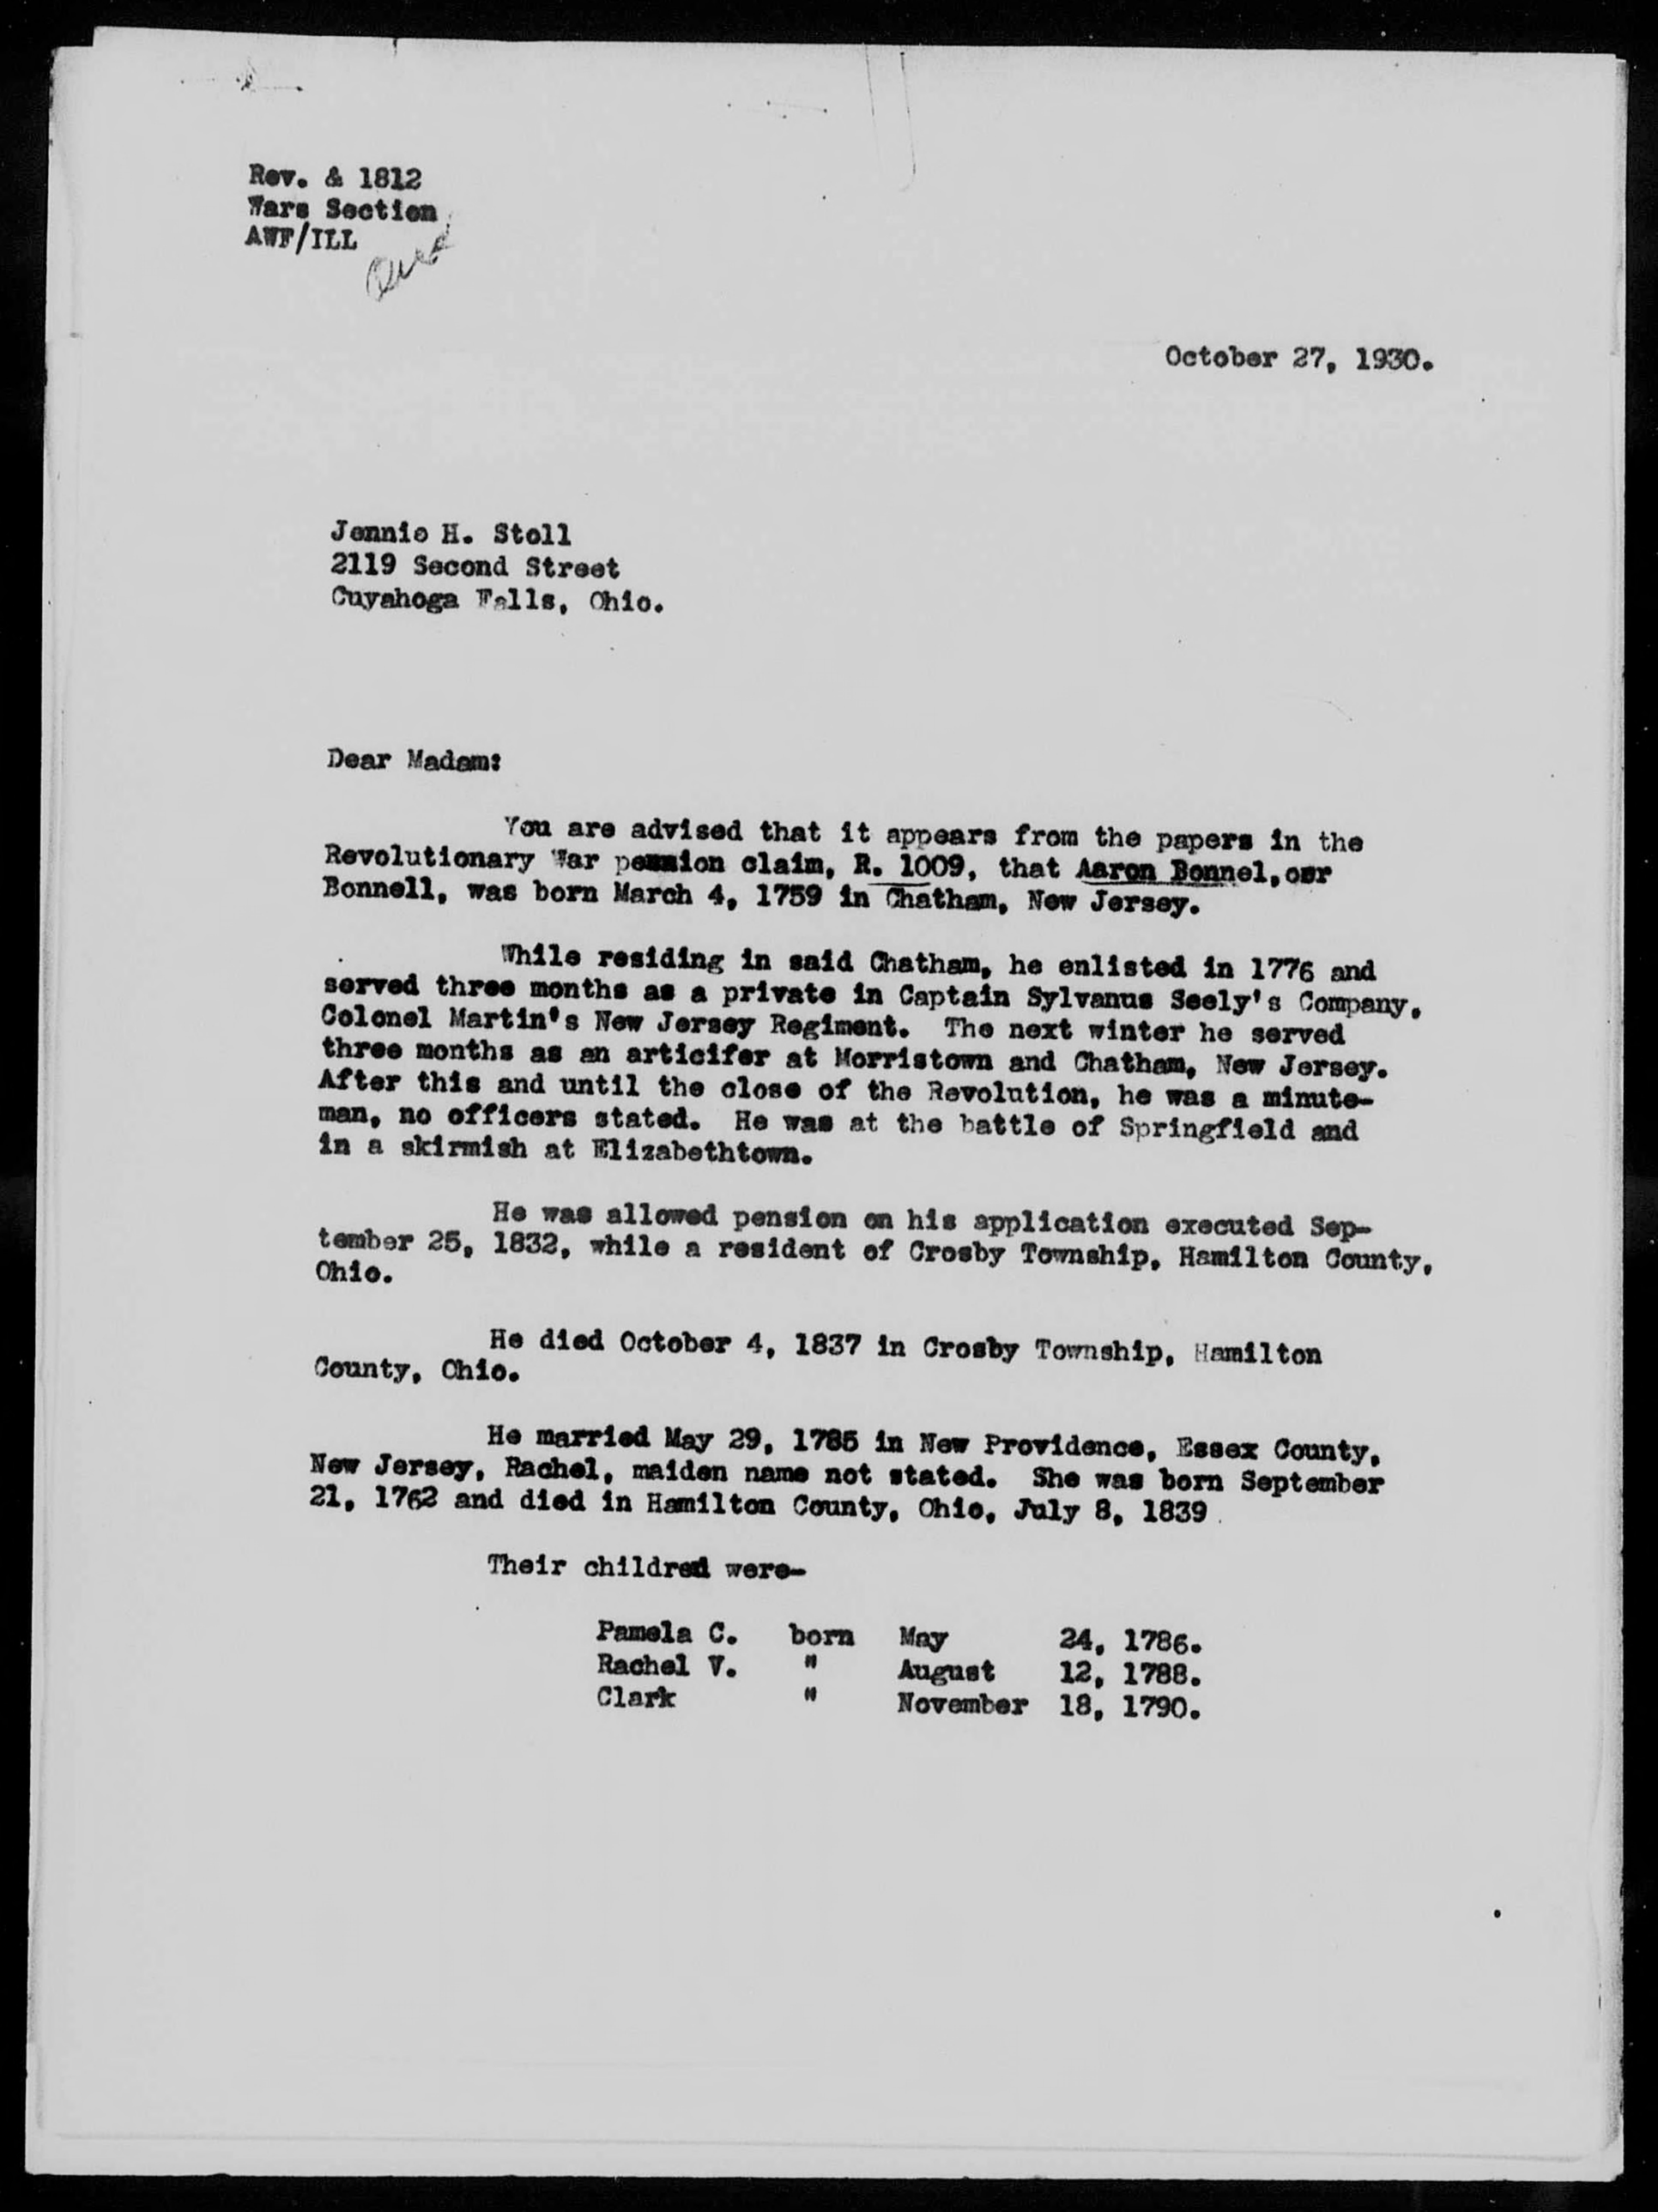Rev. & 1812
Wars Section
AWF/ILL
October 27, 1930
Jennie H. Stoll
2119 Second Street
Cuyahoga Falls, Ohio

Dear Madam:
You are advised that it appears from the papers in the Revolutionary War pension claim, R. 1009, that Aaron Bonnel, or Bonnell, was born March 4, 1759 in Chathan, New Jersey.
While residing in said Chatham, he enlisted in 1776 and served three months as a private in Captain Sylvanus Seely's Company, Colonel Martin's New Jersey Regiment.  The next winter he served three months as an articifer at Morristown and Chatham, New Jersey.  After this and until the close of the Revolution, he was a minuteman, no officers stated.  He was at the battle of Springfield and in a skirmish at Elizabethtown.
He was allowed pension on his application executed September 25, 1832, while a resident of Crosby Township, Hamilton County, Ohio.
He died October 4, 1837 in Crosby Township, Hamilton County, Ohio.
He married May 29, 1785 in New Providence, Essex County, New Jersey, Rachel, maiden name not stated.  She was born September 21, 1762 and died in Hamilton County, Ohio, July 8, 1939
Their children were-
Pamela C. born May 24, 1786
Rachel V   "      August 12, 1788
Clark           "     November 18, 1790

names: Aaron Bonnel, Jennie H Stoll, Clark, Rachel V, Pamela C, Aaron Bonnell, Rachel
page: 19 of 67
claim: rejected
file: R. 1009, Aaron Bonnel, New Jersey